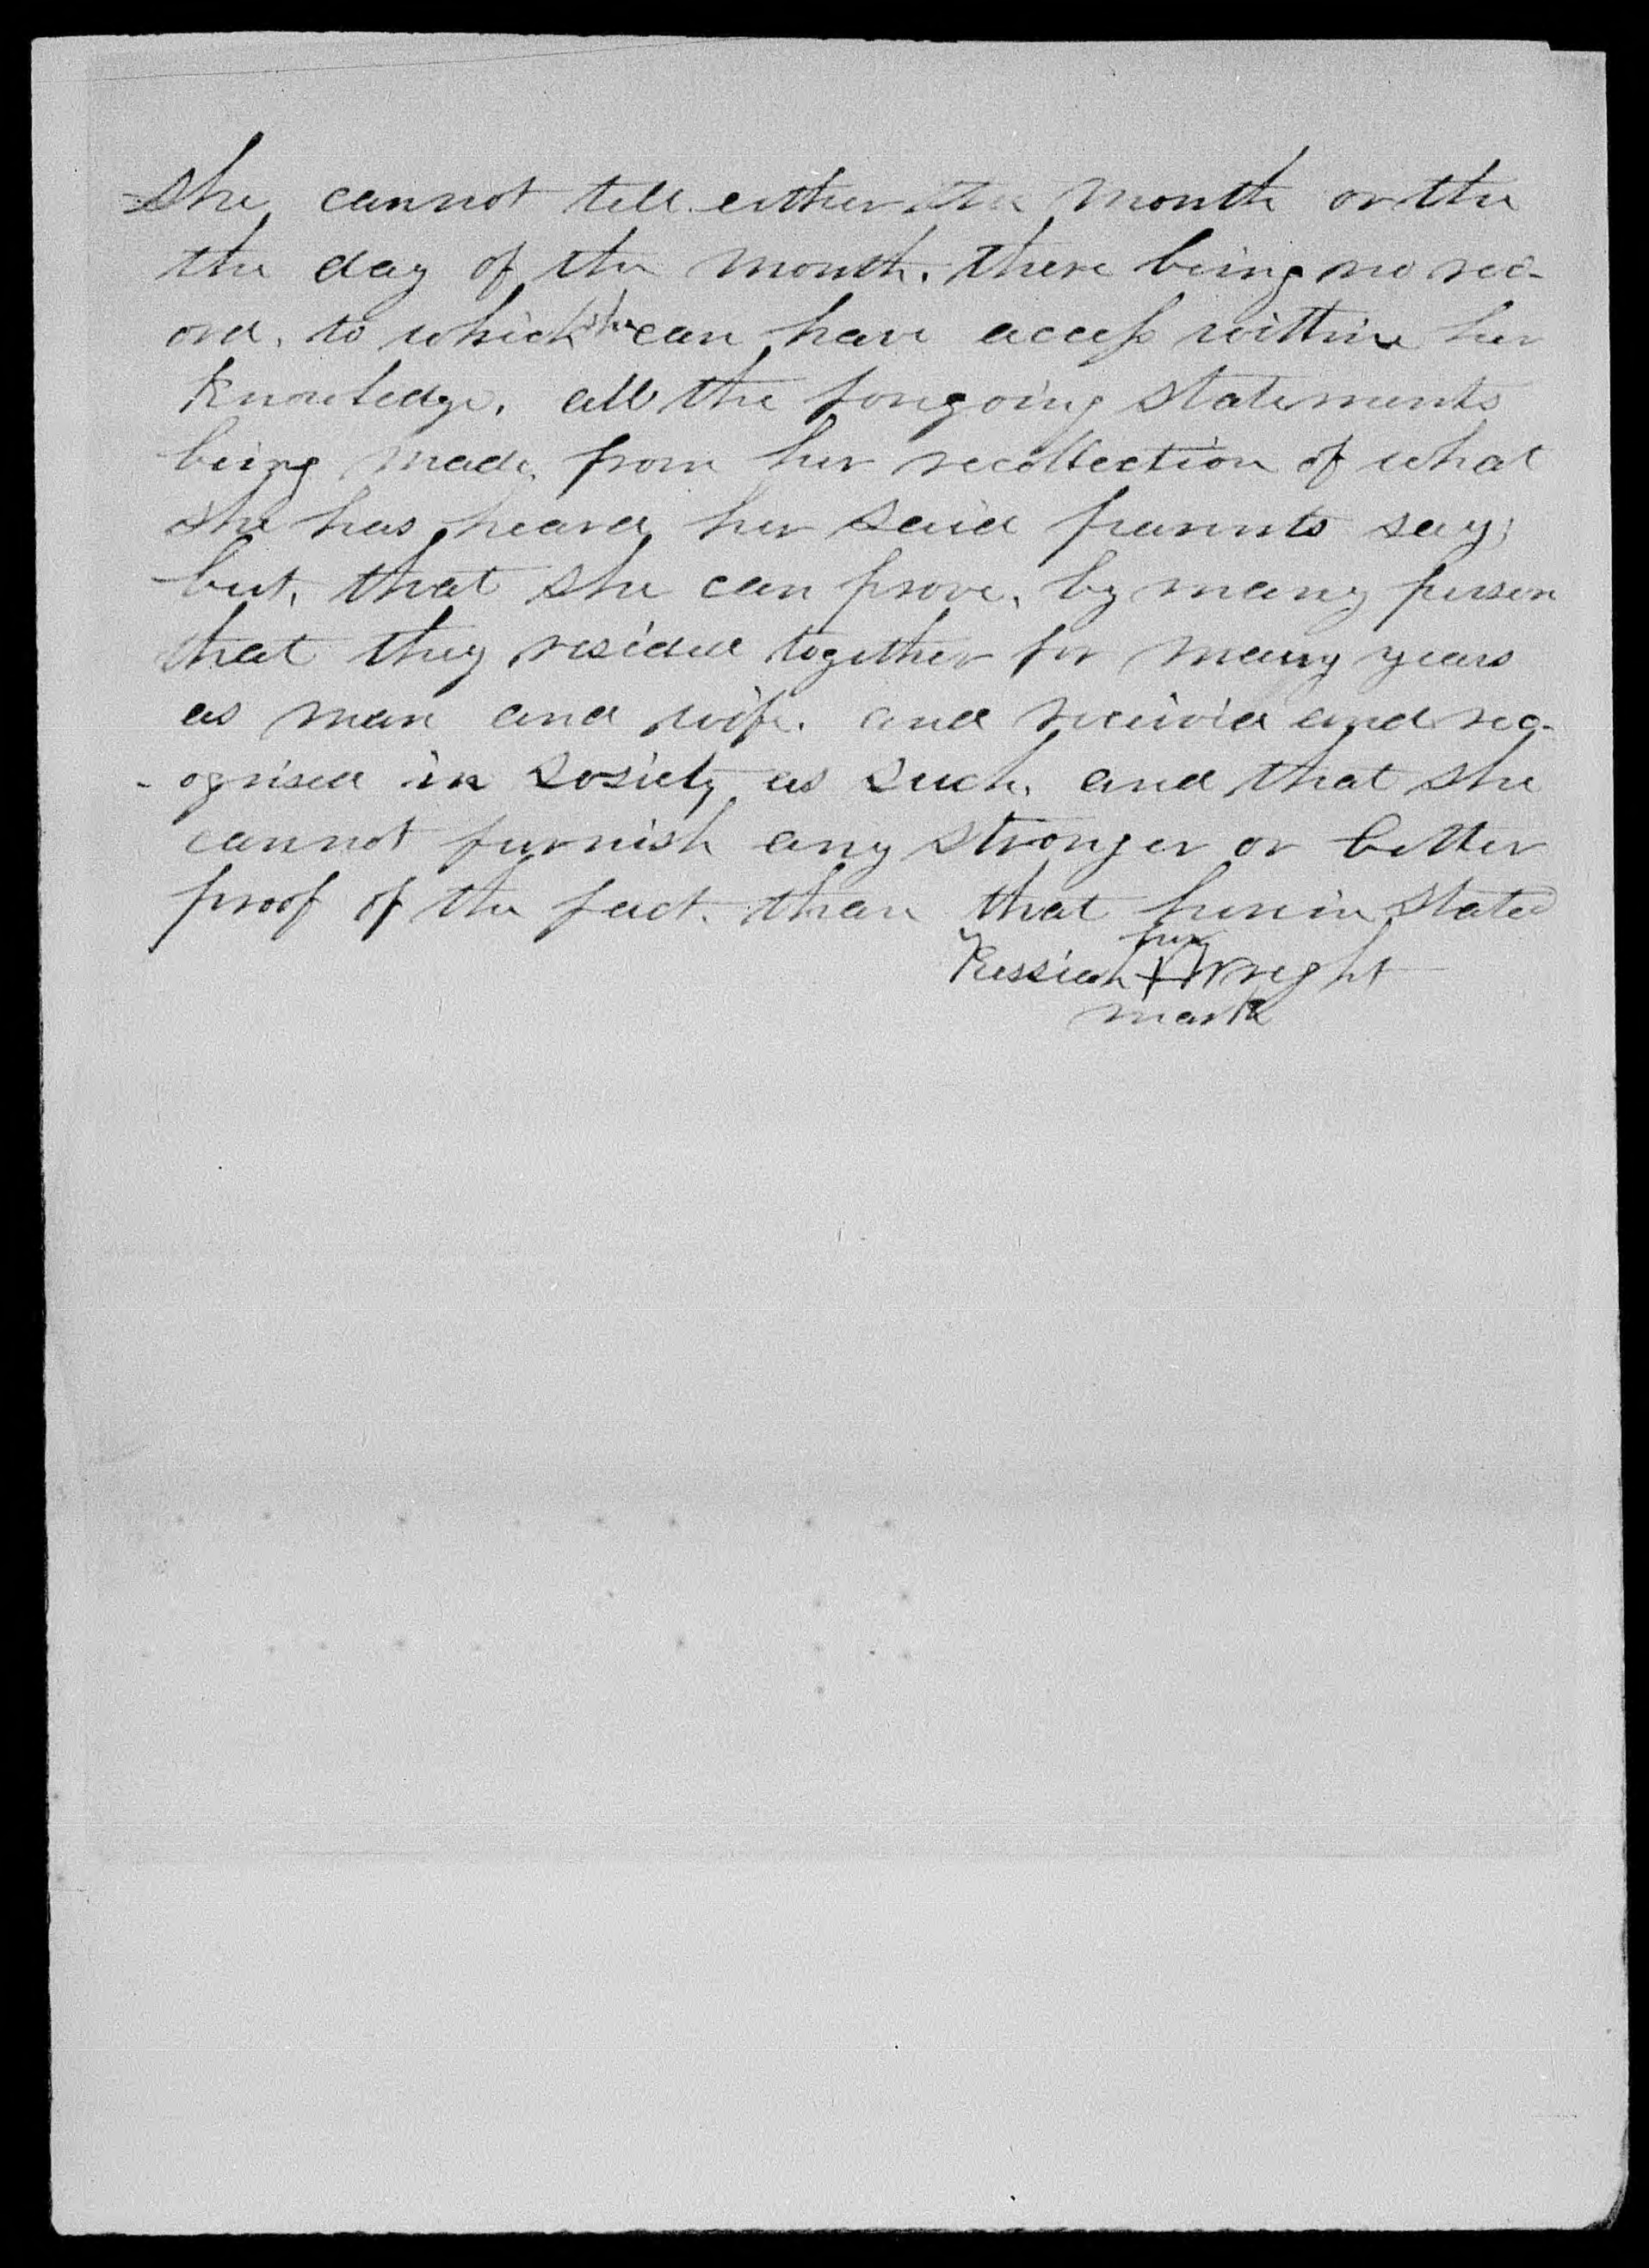she cannot tell either the month or the
the day of the month there being no record,
to which [inserted:] she can have access within her
knowledge. all the foregoing statements
being made from her recollection of what
she has heard her said parents say
but, that she can prove by many person
that they resided together for many years
as man and wife, and received and 
recognised in society as such, and that she
cannot furnish any stronger or better
proof of the fact than that herein stated
Kessiah X her mark Wright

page: 17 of 56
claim: rejected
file: R 5529, for Samuel Jackson, Virginia